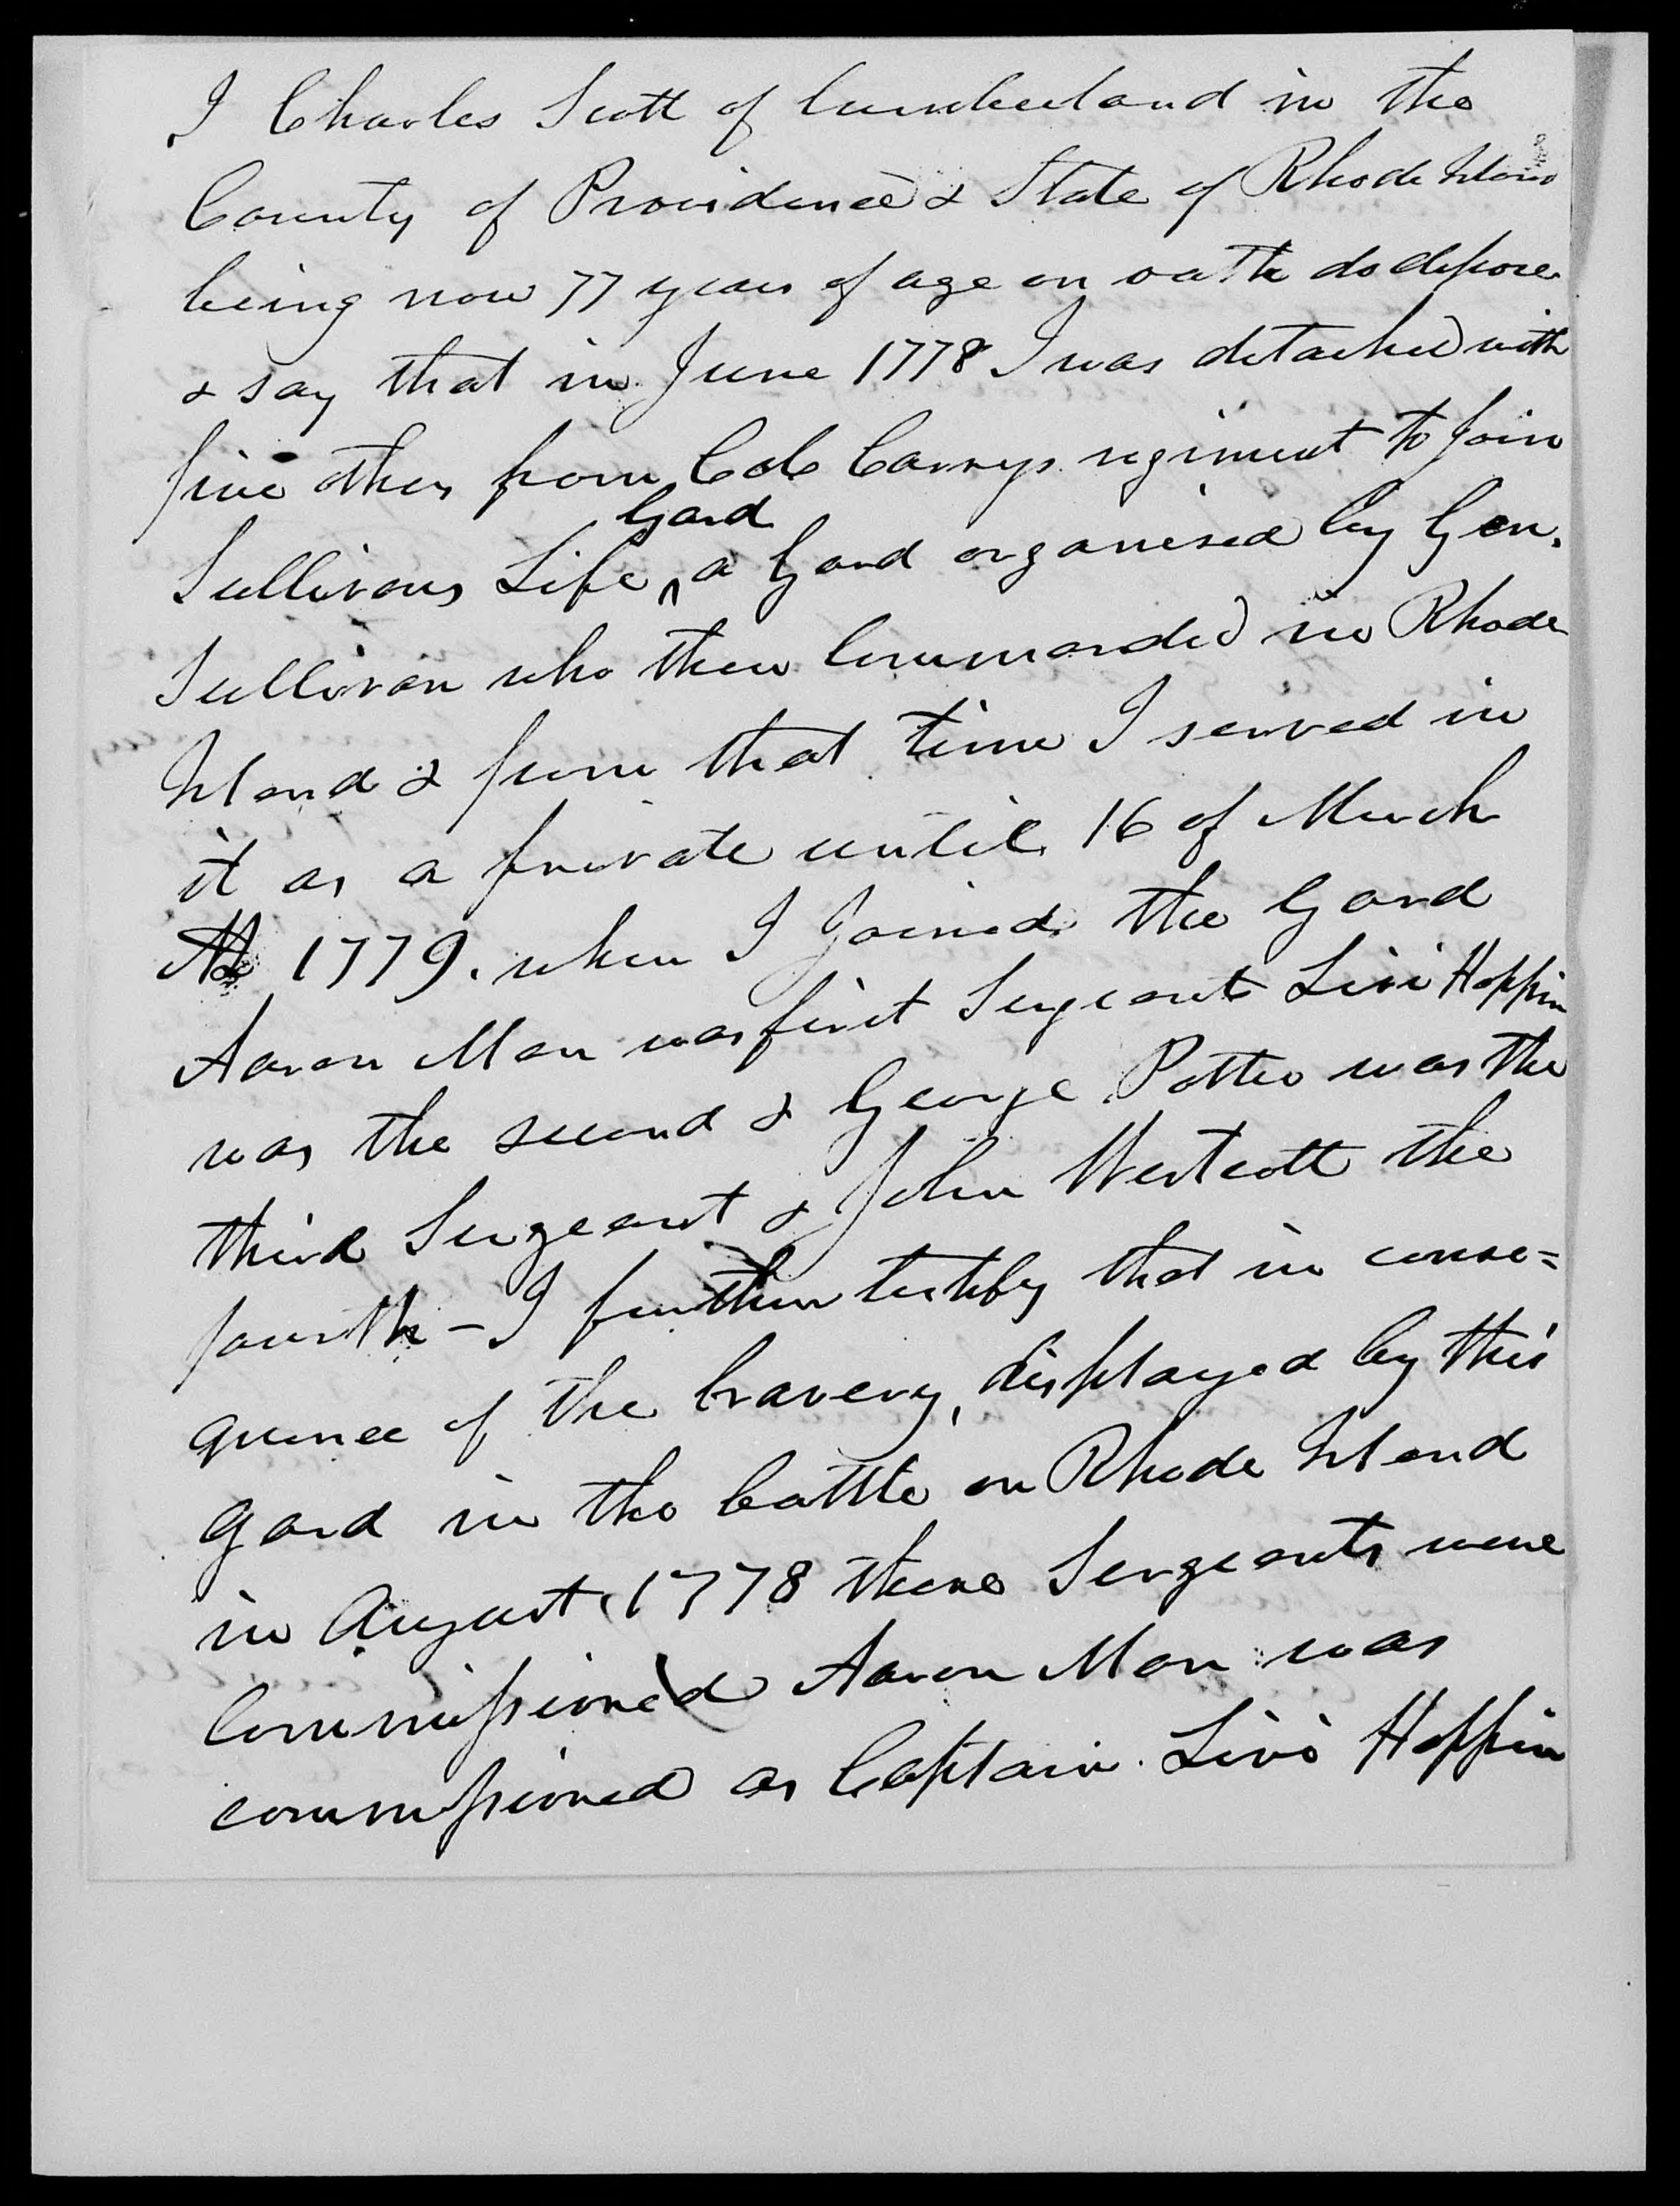I Charles Scott of Cumberland in the County of Providence and State of Rhode Island being now 77 years of age on oath do depose & say that in June 1778 I was detached with five other from Co. Canary regiment to join Sullivan's Life Guard a band organized by Gen. Sullivan who then commanded in Rhode Island.  From that time I served in it as a private until 16 of March AD 1779 when I joined the guard. and Aaron Man was first, Sergeant Levi Hoppins was the second &  George Potter was the third Sergeant  & John Westcott the fourth  I further testify that in consequence of the bravery displayed by this guard in the battle on Rhode Island in August 1778  these Sergeant were commissioned Aaron Man was commissioned as Captain. Levi Hoppins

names: George Potter; [BLANK] Sullivan; Aaron Man; Charles Scott; John Westcott; Levi Hoppin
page: 32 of 40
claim: widow's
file: W. 16058, for George Potter, Rhode Island